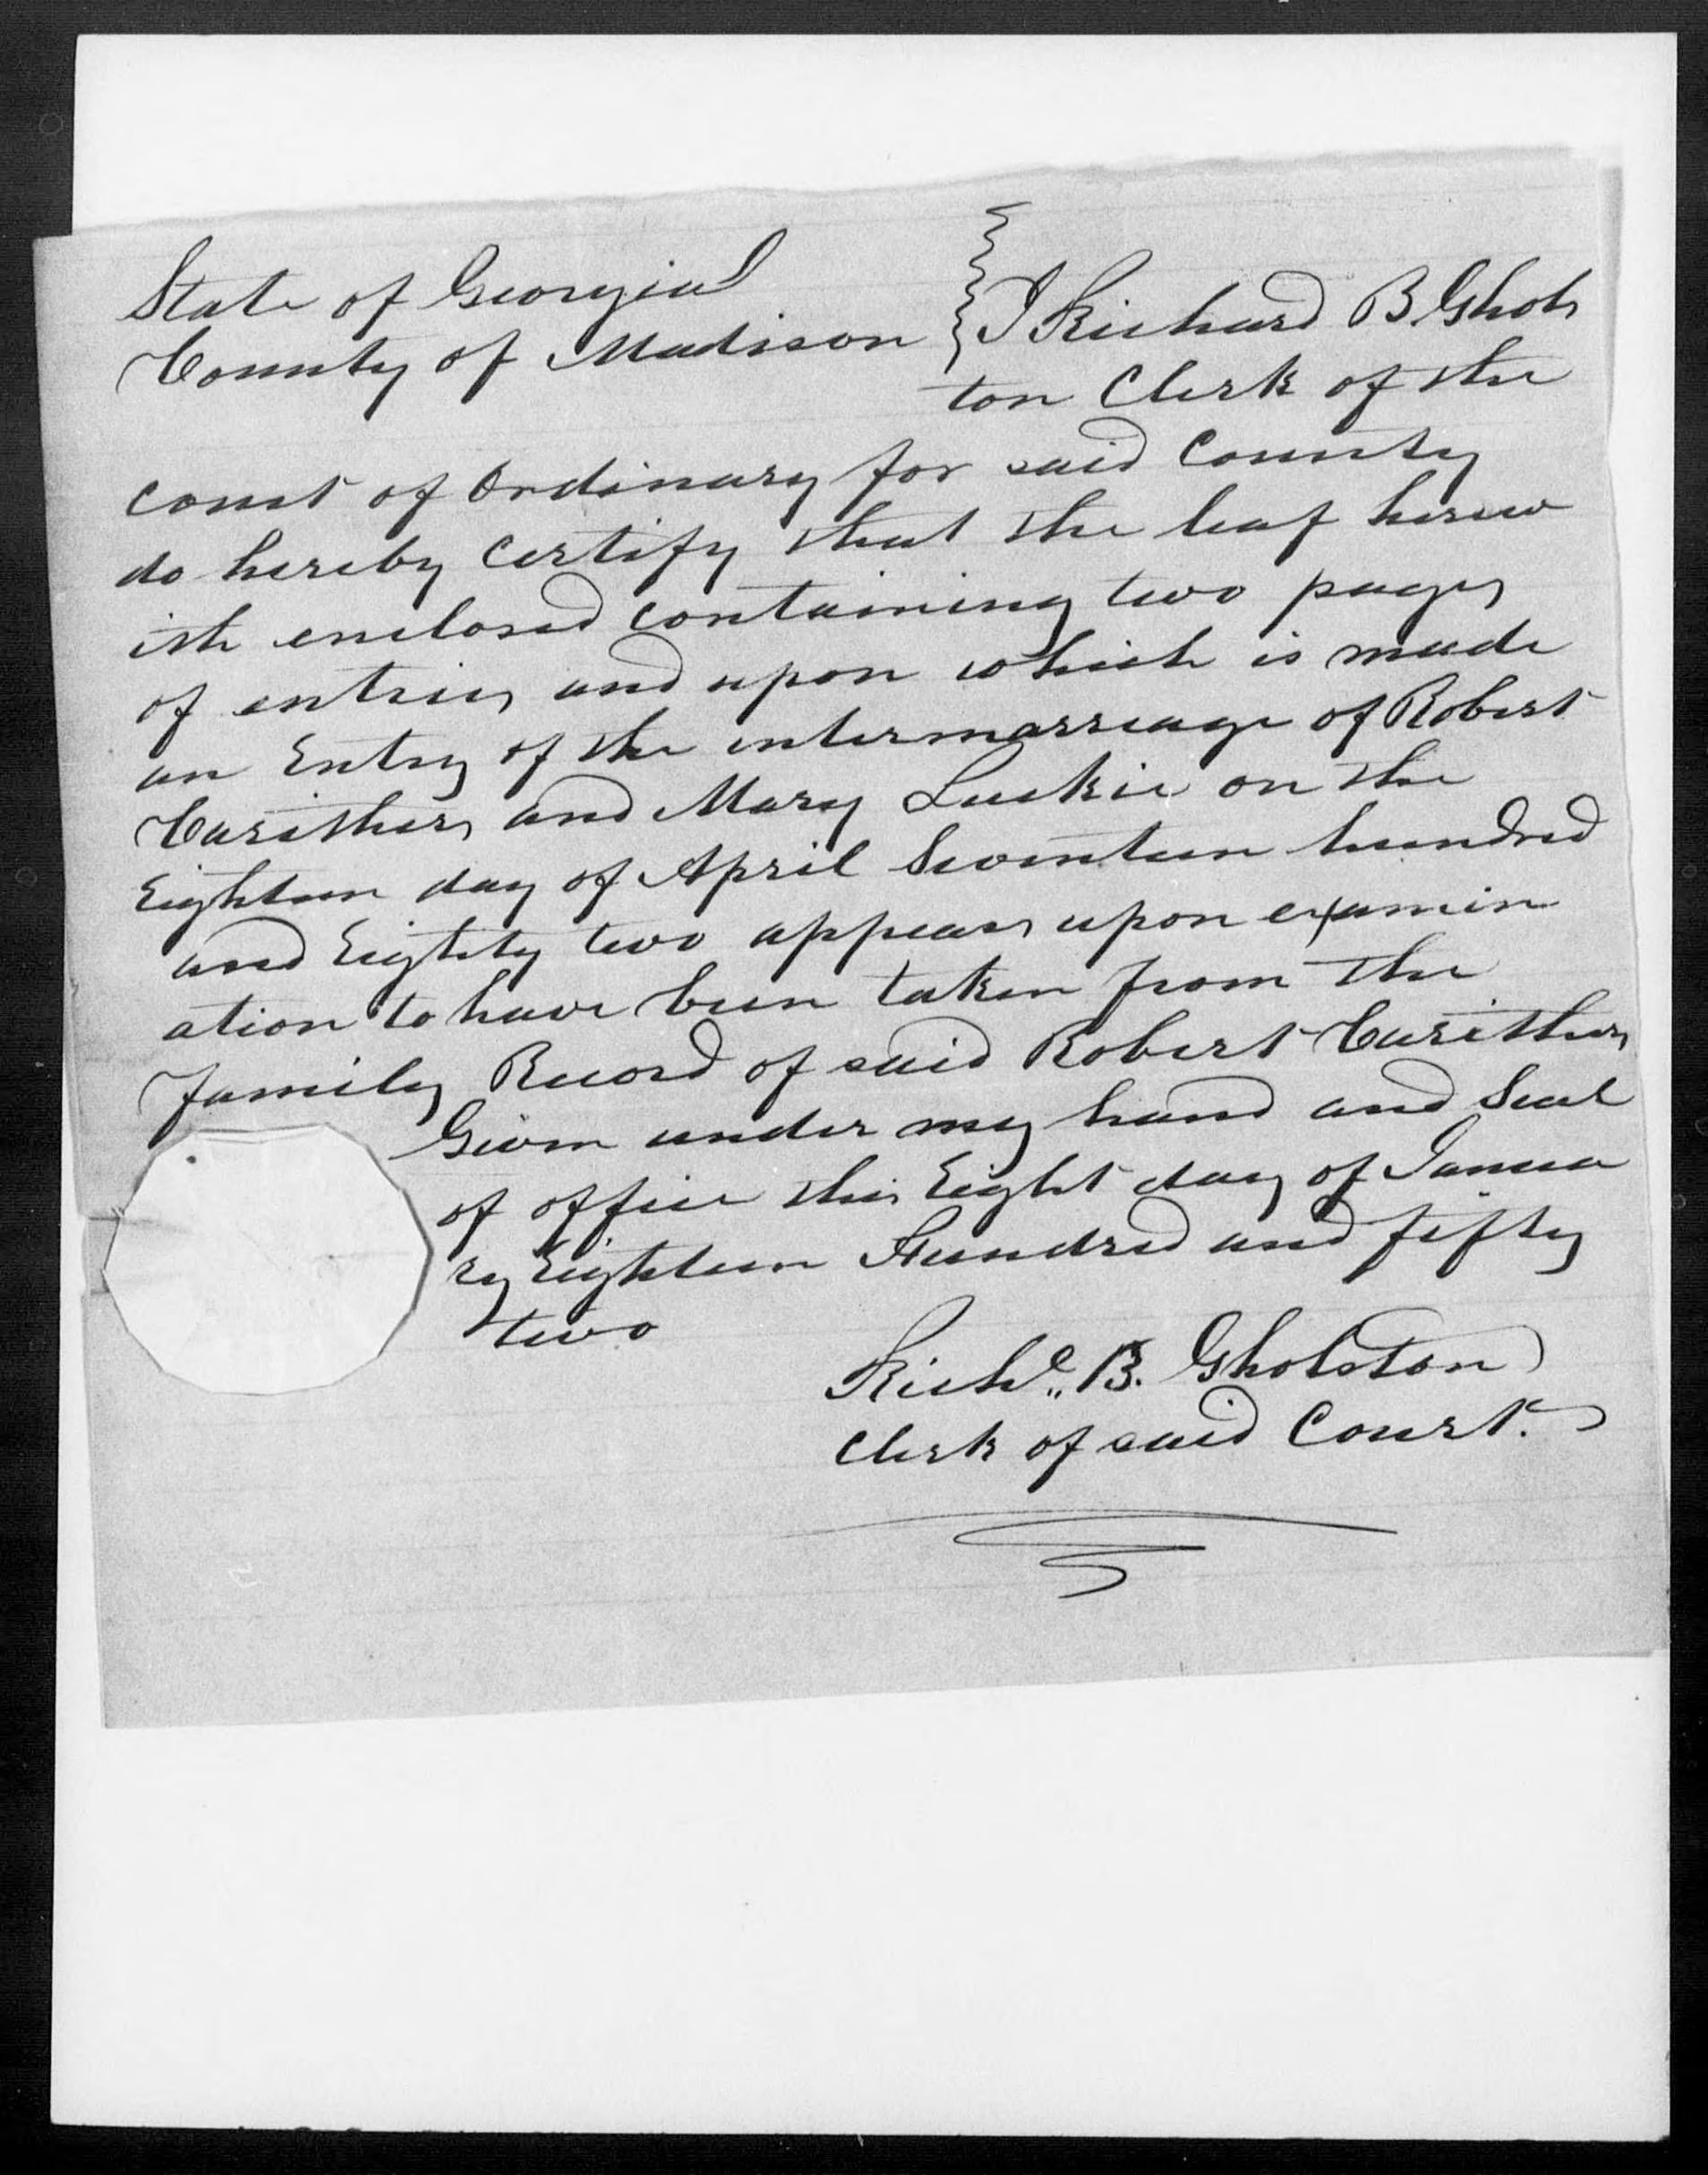State of Georgia     } 
County of Madison } I Richard B Gholston Clerk of the Court of Ordinary for said County do hereby certify that the leaf herewith enclosed containing two pages of entries and upon which is made an entry of the intermarriage of Robert Carithers and Mary Luckie on the Eighteen day of April Seventeen hundred and Eighty two appears upon examination to have been taken from the family Record of said Robert Carithers 
Given under my hand and seal of office this Eight day of January Eighteen Hundred and fifty Rich B. Gholston Clerk of said Court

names: Mary Luckie, Richd B Gholston, Richard B Gholston, Robert Carithers, Robert Carithers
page: 14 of 33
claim: widow's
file: W. 23779, Robert Carithers, S.C.